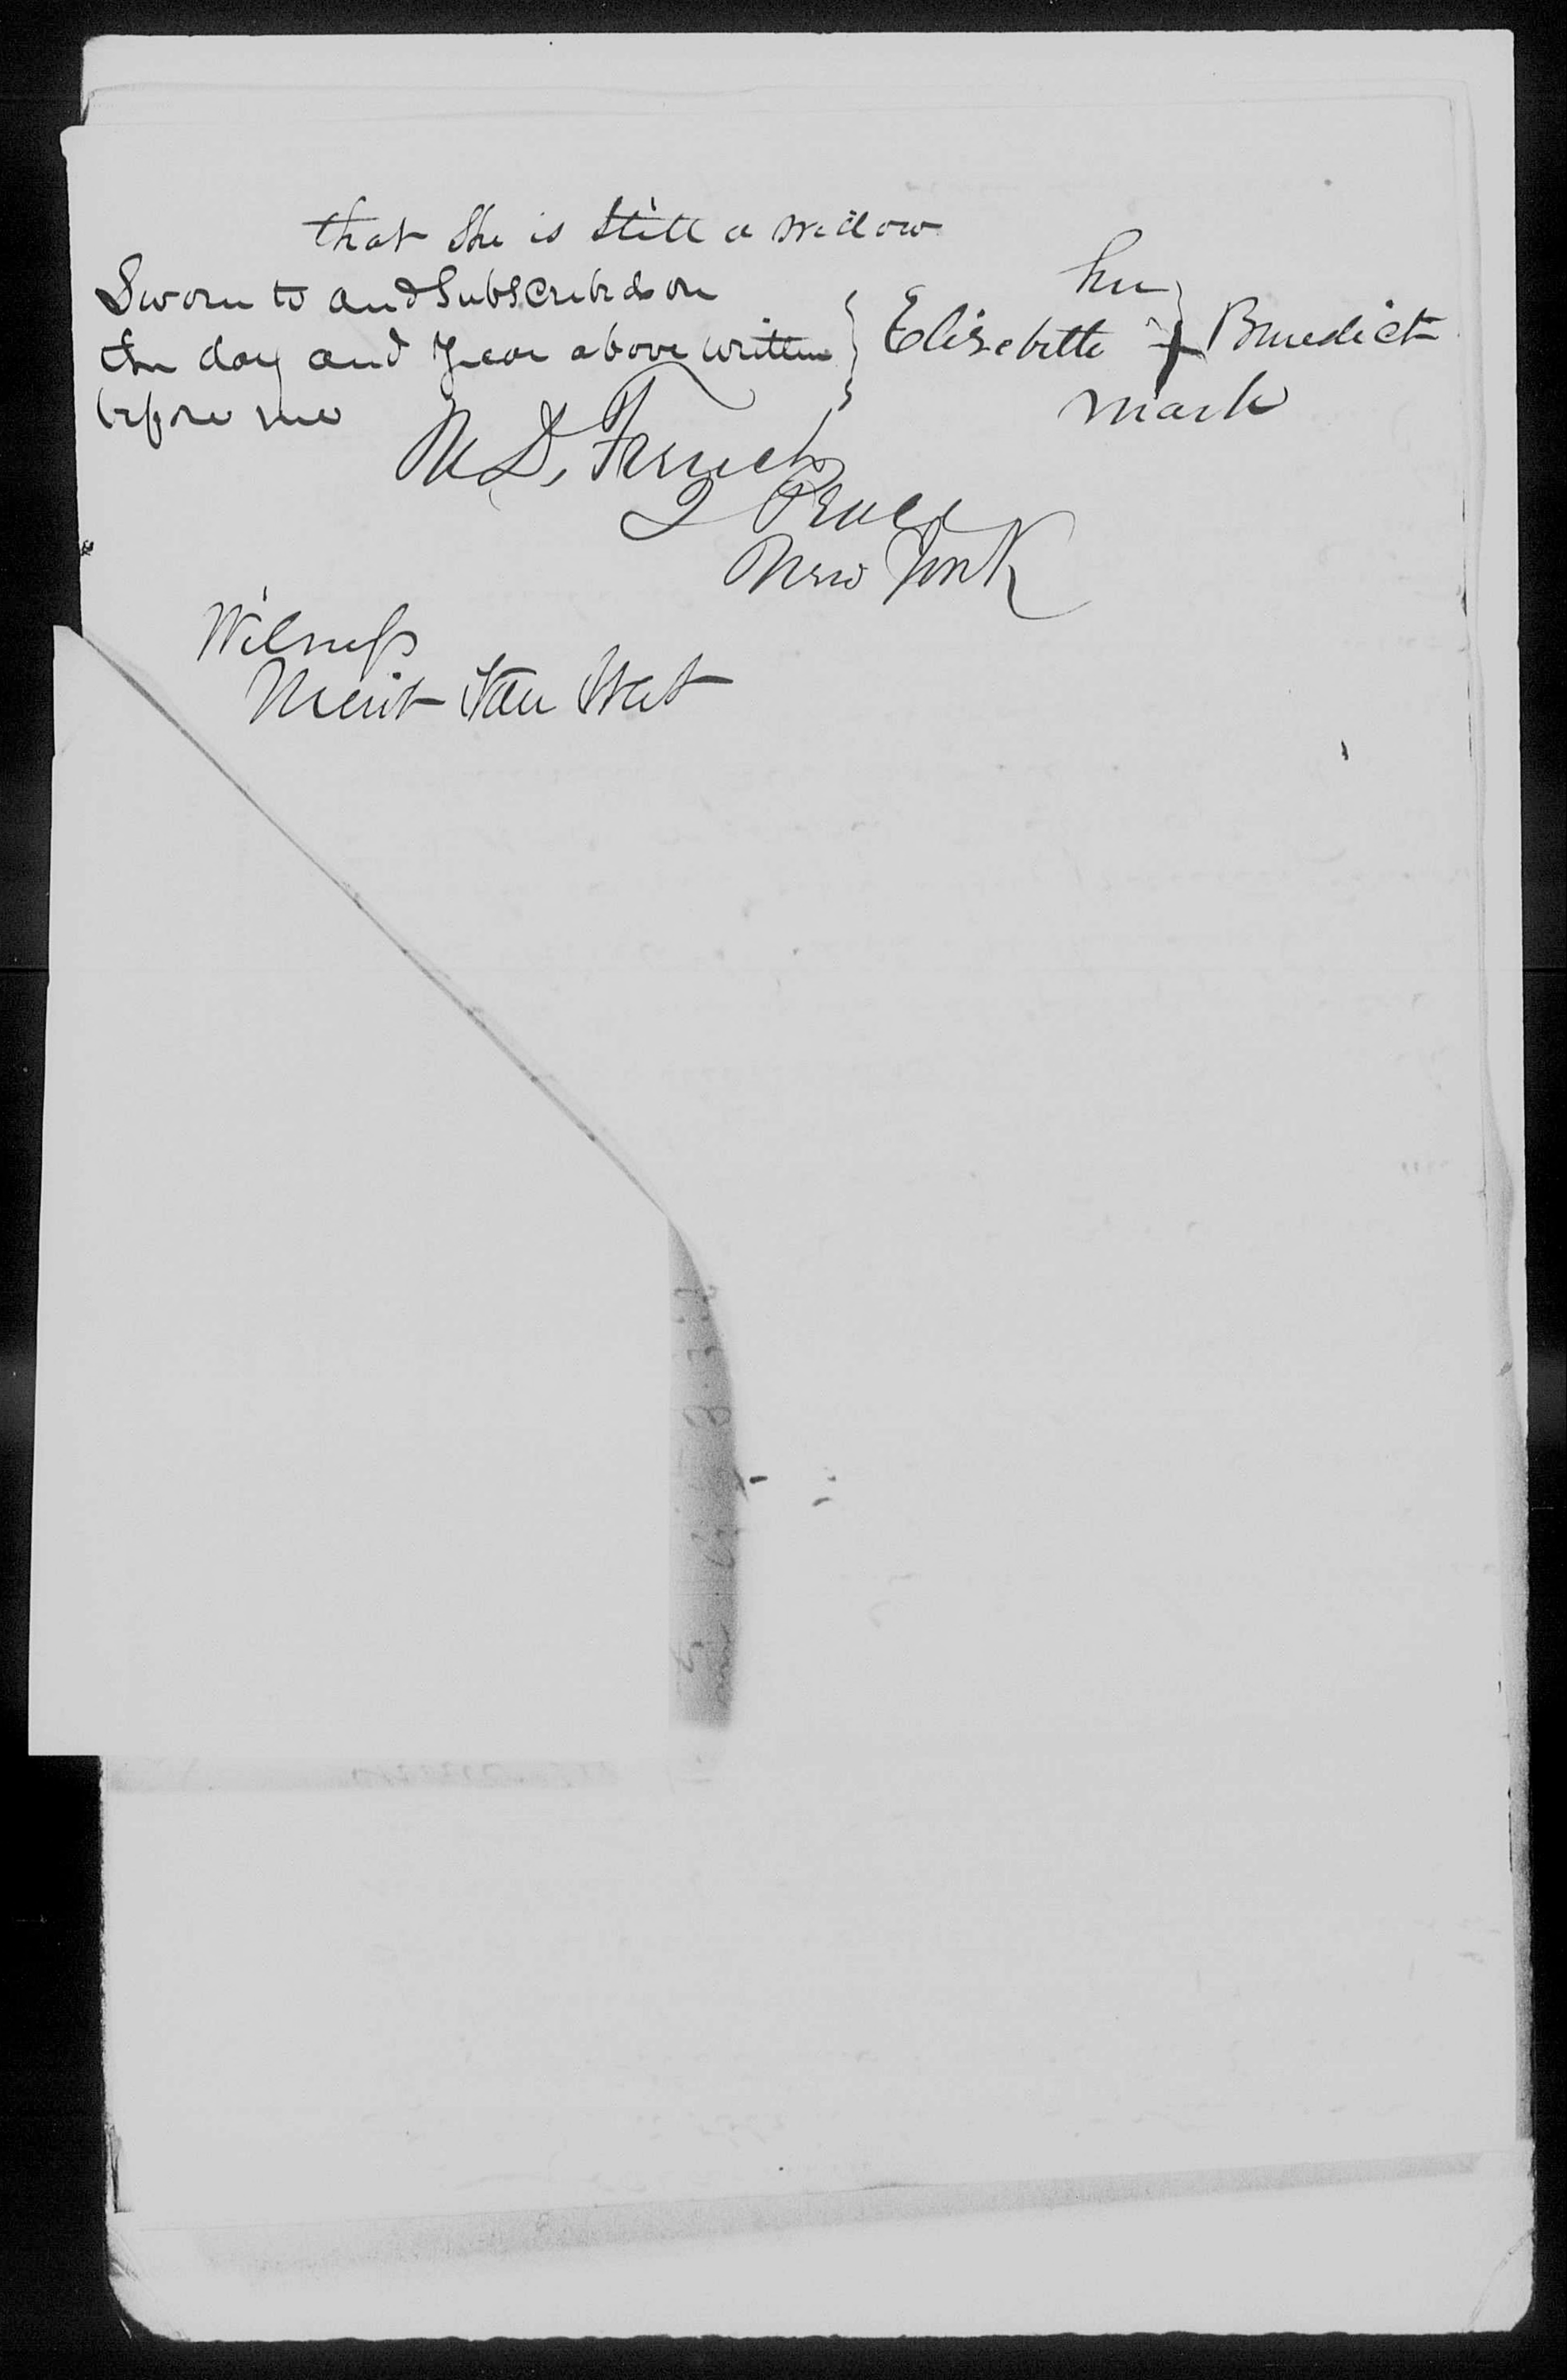that she is still a widow
Sworn to and subscribed on     }                             her
the day and year above written }            Elizabeth  X  Benedict
before me                                  }                          mark
               U. D. French
                     J Peace
                         New York

Witness
Merit Van Wert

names: U D French, Elizabeth Benedict, Merit Van Wert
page: 48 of 56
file: [ILLEGIBLE], Jonah Benedict, Conn.